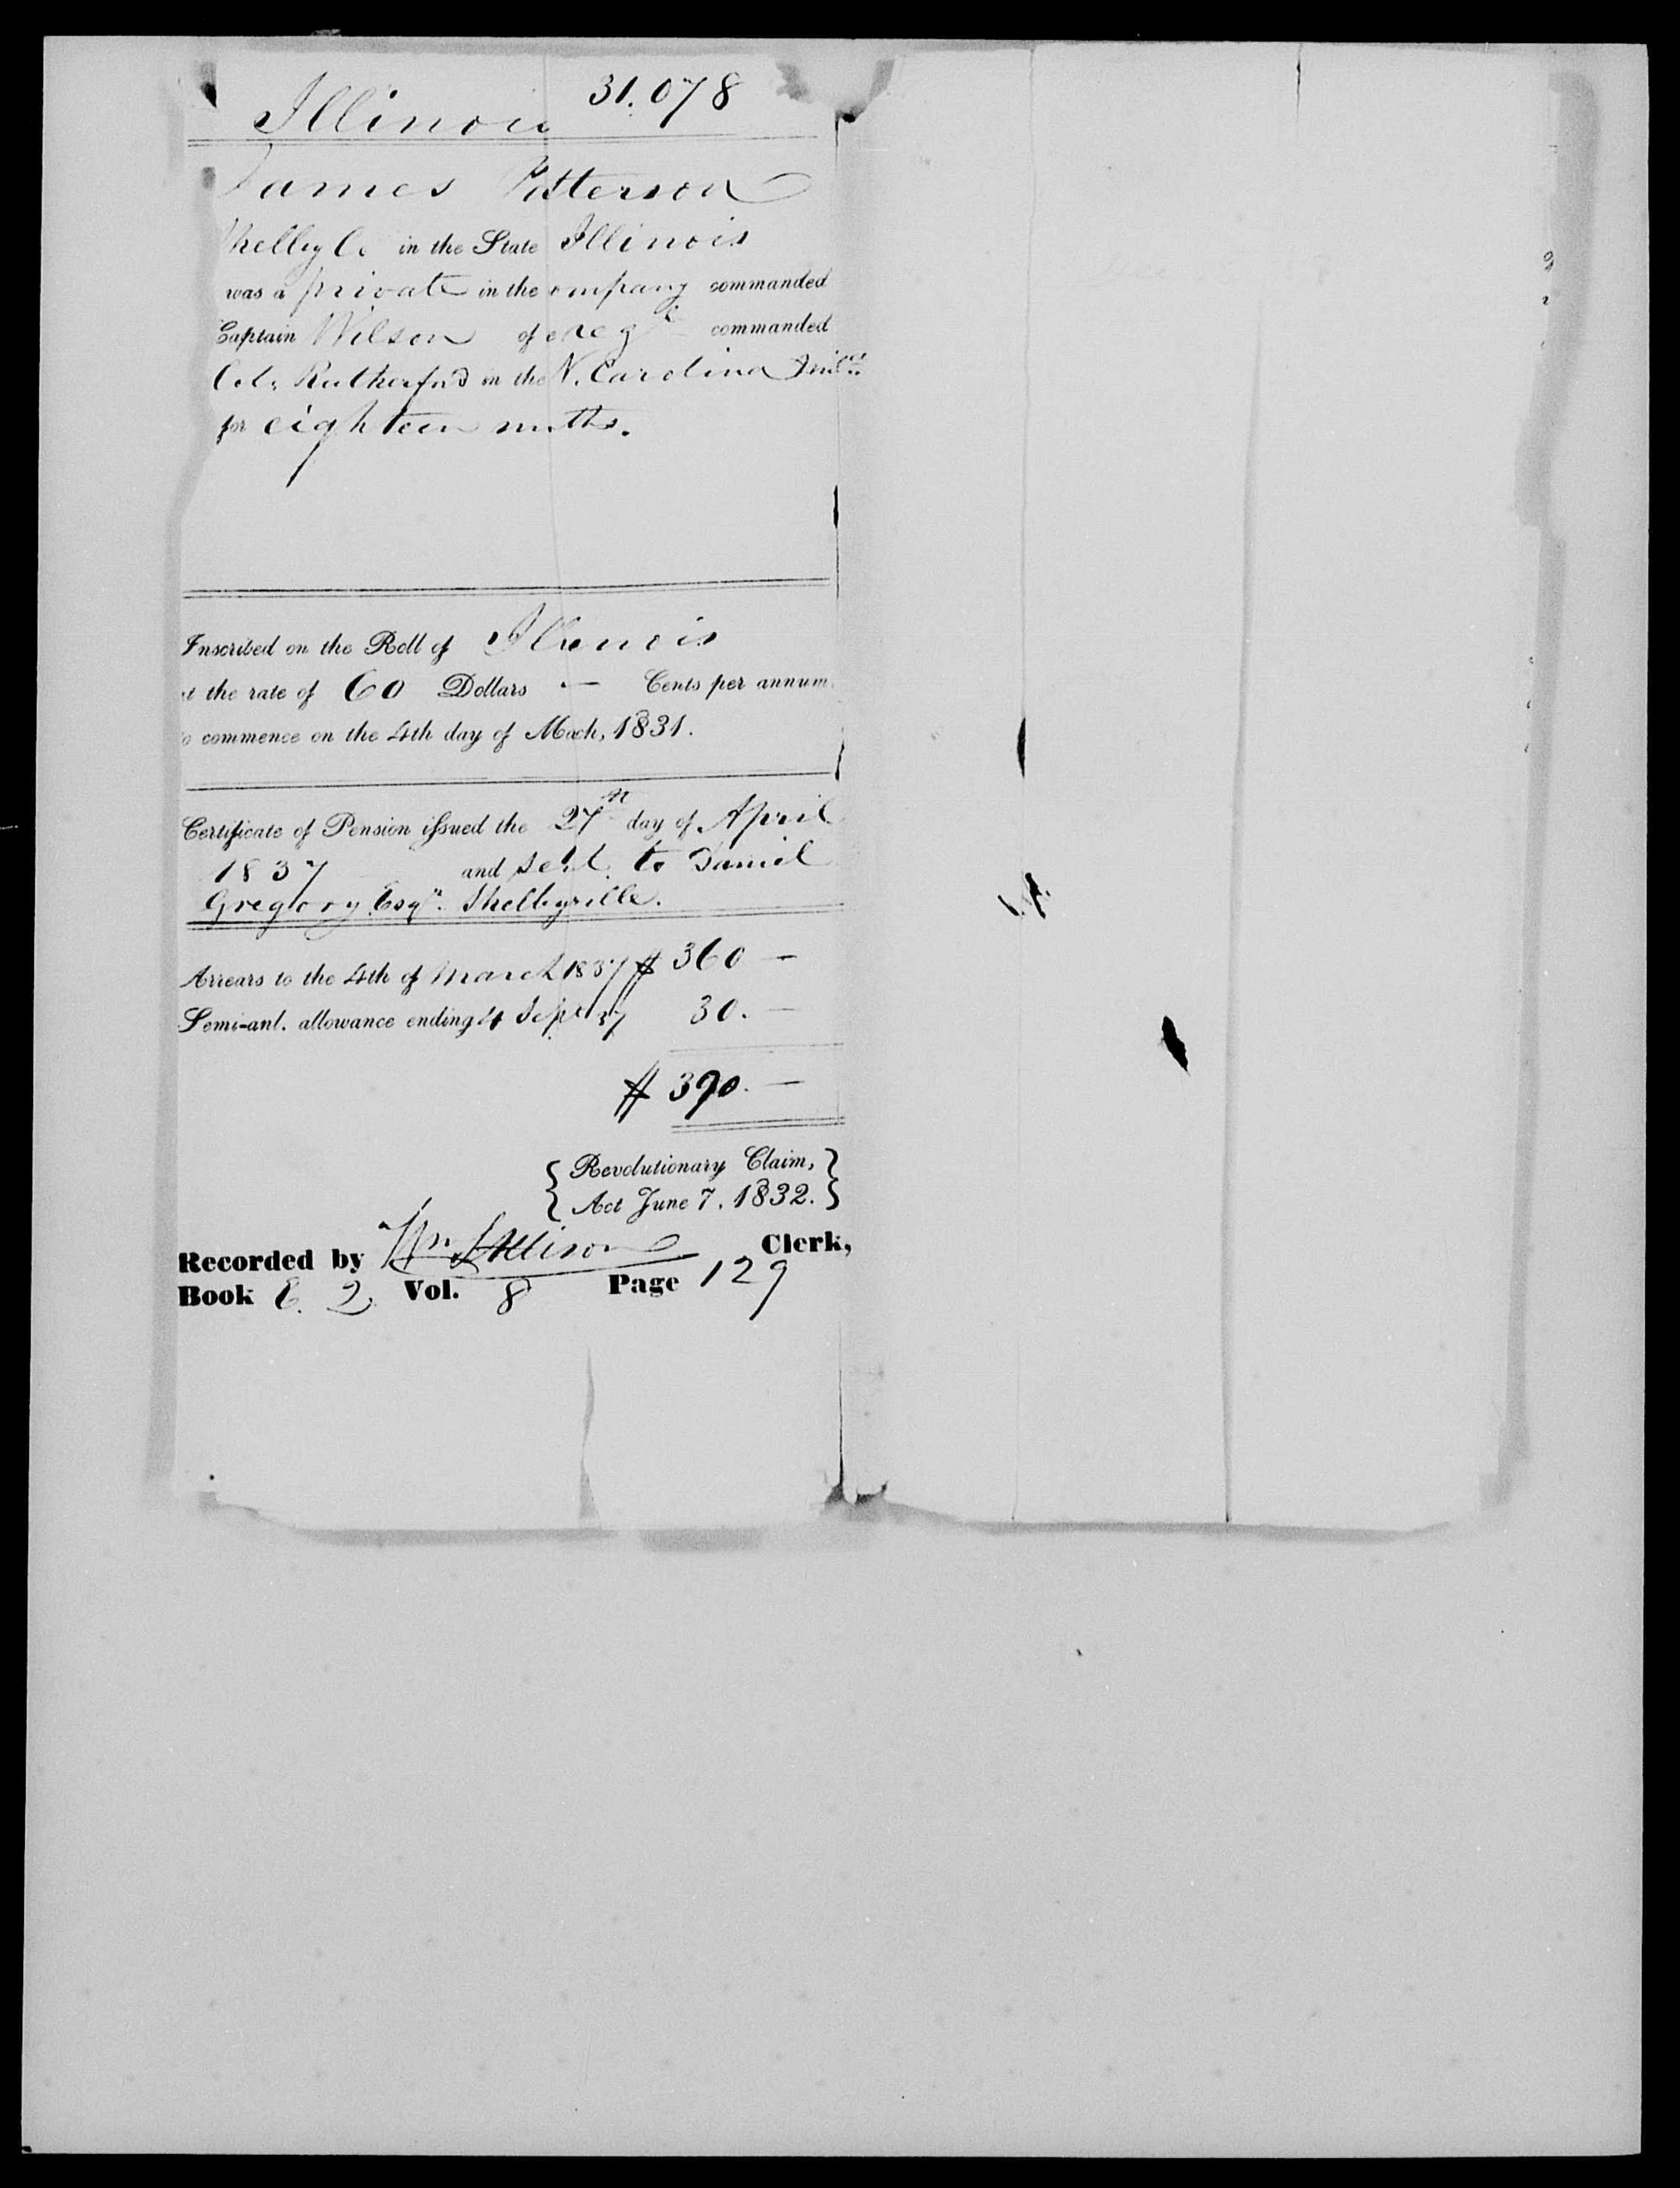Illinois 31.078
James Patterson 
Shelby Co. in the State Illinois
was a private in the company commanded 
Captain Wilson of e reg commanded 
Col Rutherford in the N. Carolina [illegible]
for eighteen months.

Inscribed on the Roll of Illinois at the rate of 60 Dollars - Cents per annum to commence on the 4th day of March, 1831.

Certificate of Pension issued the 27th day of April 1837 and sent to Daniel Gregory Esq. Shelbyville.

Arrears to the 4th of March 1837         $360.-
Semi-anl. allowance ending 4 Sept ’37 $30.-
                                                                   $390.-

{ Revolutionary Claim, }
{ Act June 7, 1832.       }
Recorded by Wm. S. Allison Clerk,
Book E.2 Vol. 8  Page 129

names: [BLANK] Wilson; Wm S Allison; Daniel Gregory; James Patterson; [BLANK] Rutherford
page: 3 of 69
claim: widow's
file: W. 10861, for James Patterson, North Carolina